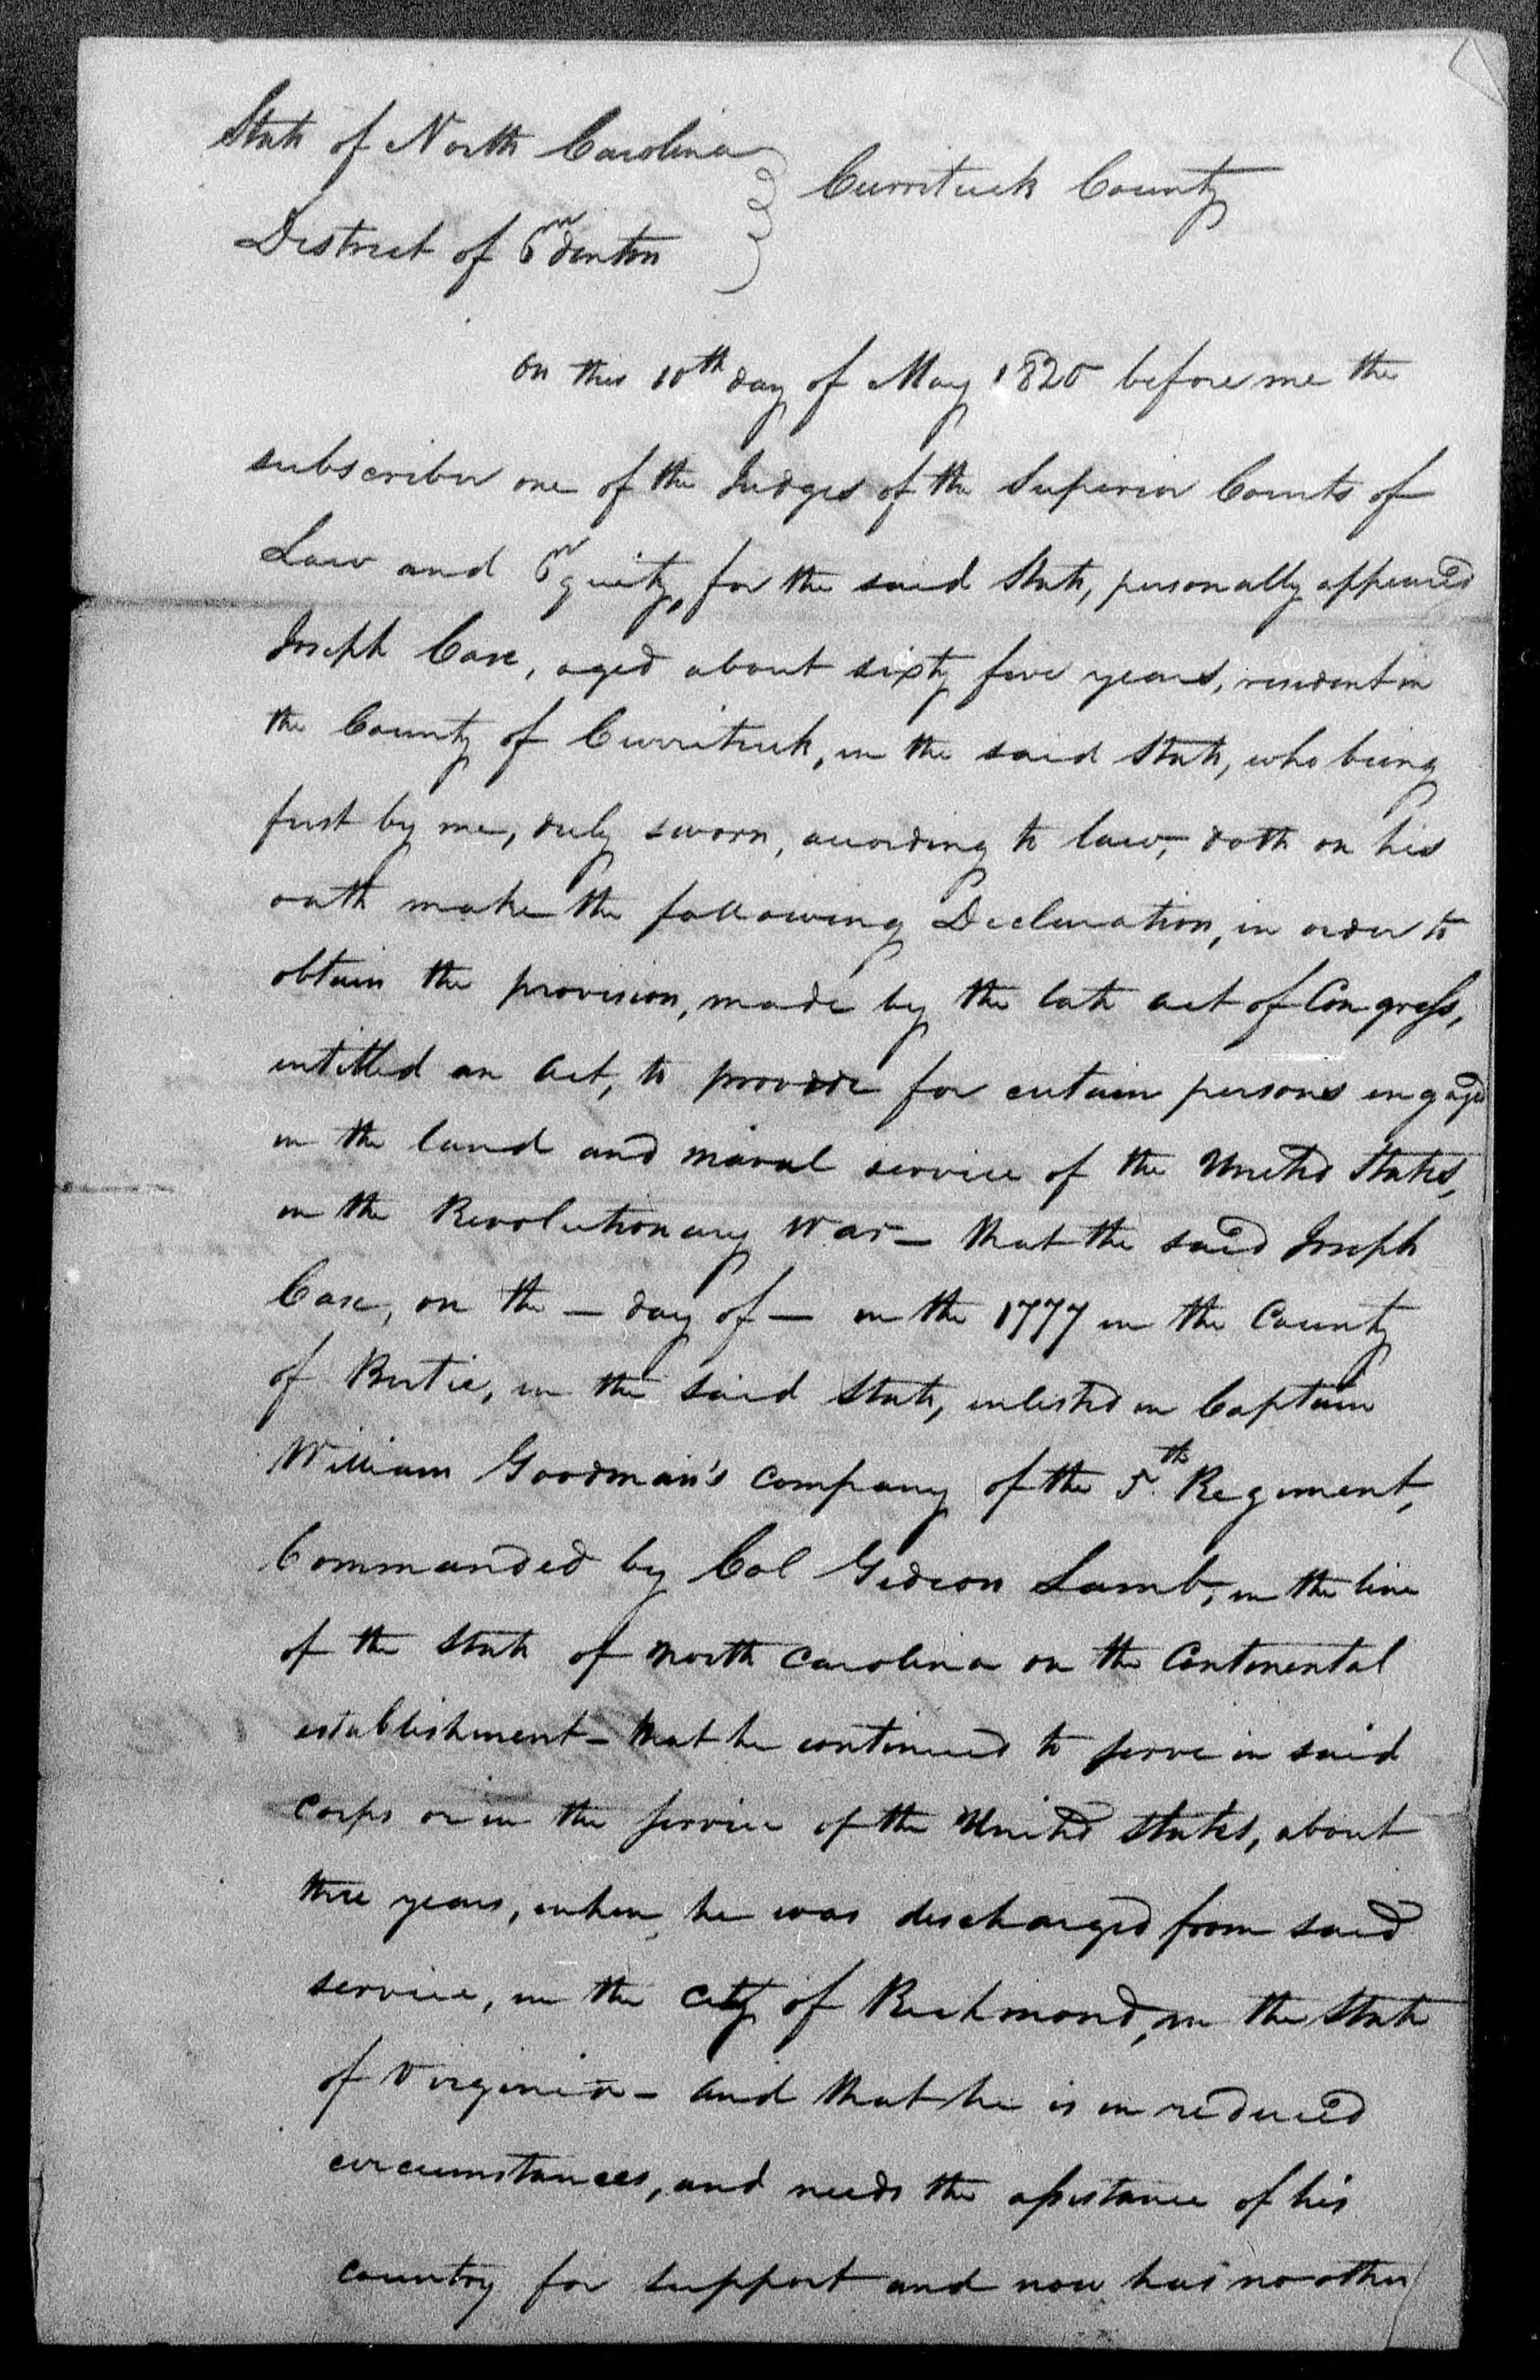[hard to read, may be transcription errors]

State of North Caroline, District of Eanton, Currtuck County

On the 11th day of May, 1820 before me the subscriber one of the Judges of the Superior Court of Law and Equity, for the said State, personally affirmed Joseph have, aged about sixty five years, resident the County of Currtuck, in the said State, who being first by me, duly sworn, according to law, both on his oath make the following Declaration, in order to obtain the provision, made by the Act of Congress, entitled an Act, to provide for certain persons engaged 
in the land and naval service of the United States, on the Revolution -- that the said Joseph Case, on the _ day of _ on the 1777 in the County of of Burtie, in the said State, enlisted in Captain William Goodman's company of the 5th Regiment, Commanded by Col Gideon Lamb, in the line of the State of North Carolina in the Continental establishment - that he continued to serve in said Corps or in the favor of the United States, about three years, when he was discharged from said service, in the city of Bushmont, in the State of Virginia - and that he is in reduced circumstances, and needs the assistance of his county for the support and now has no other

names: Joseph Case, Gideon Lamb, Joseph Case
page: 4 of 20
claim: survivor's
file: S. 41472, Joseph Case, N.C.